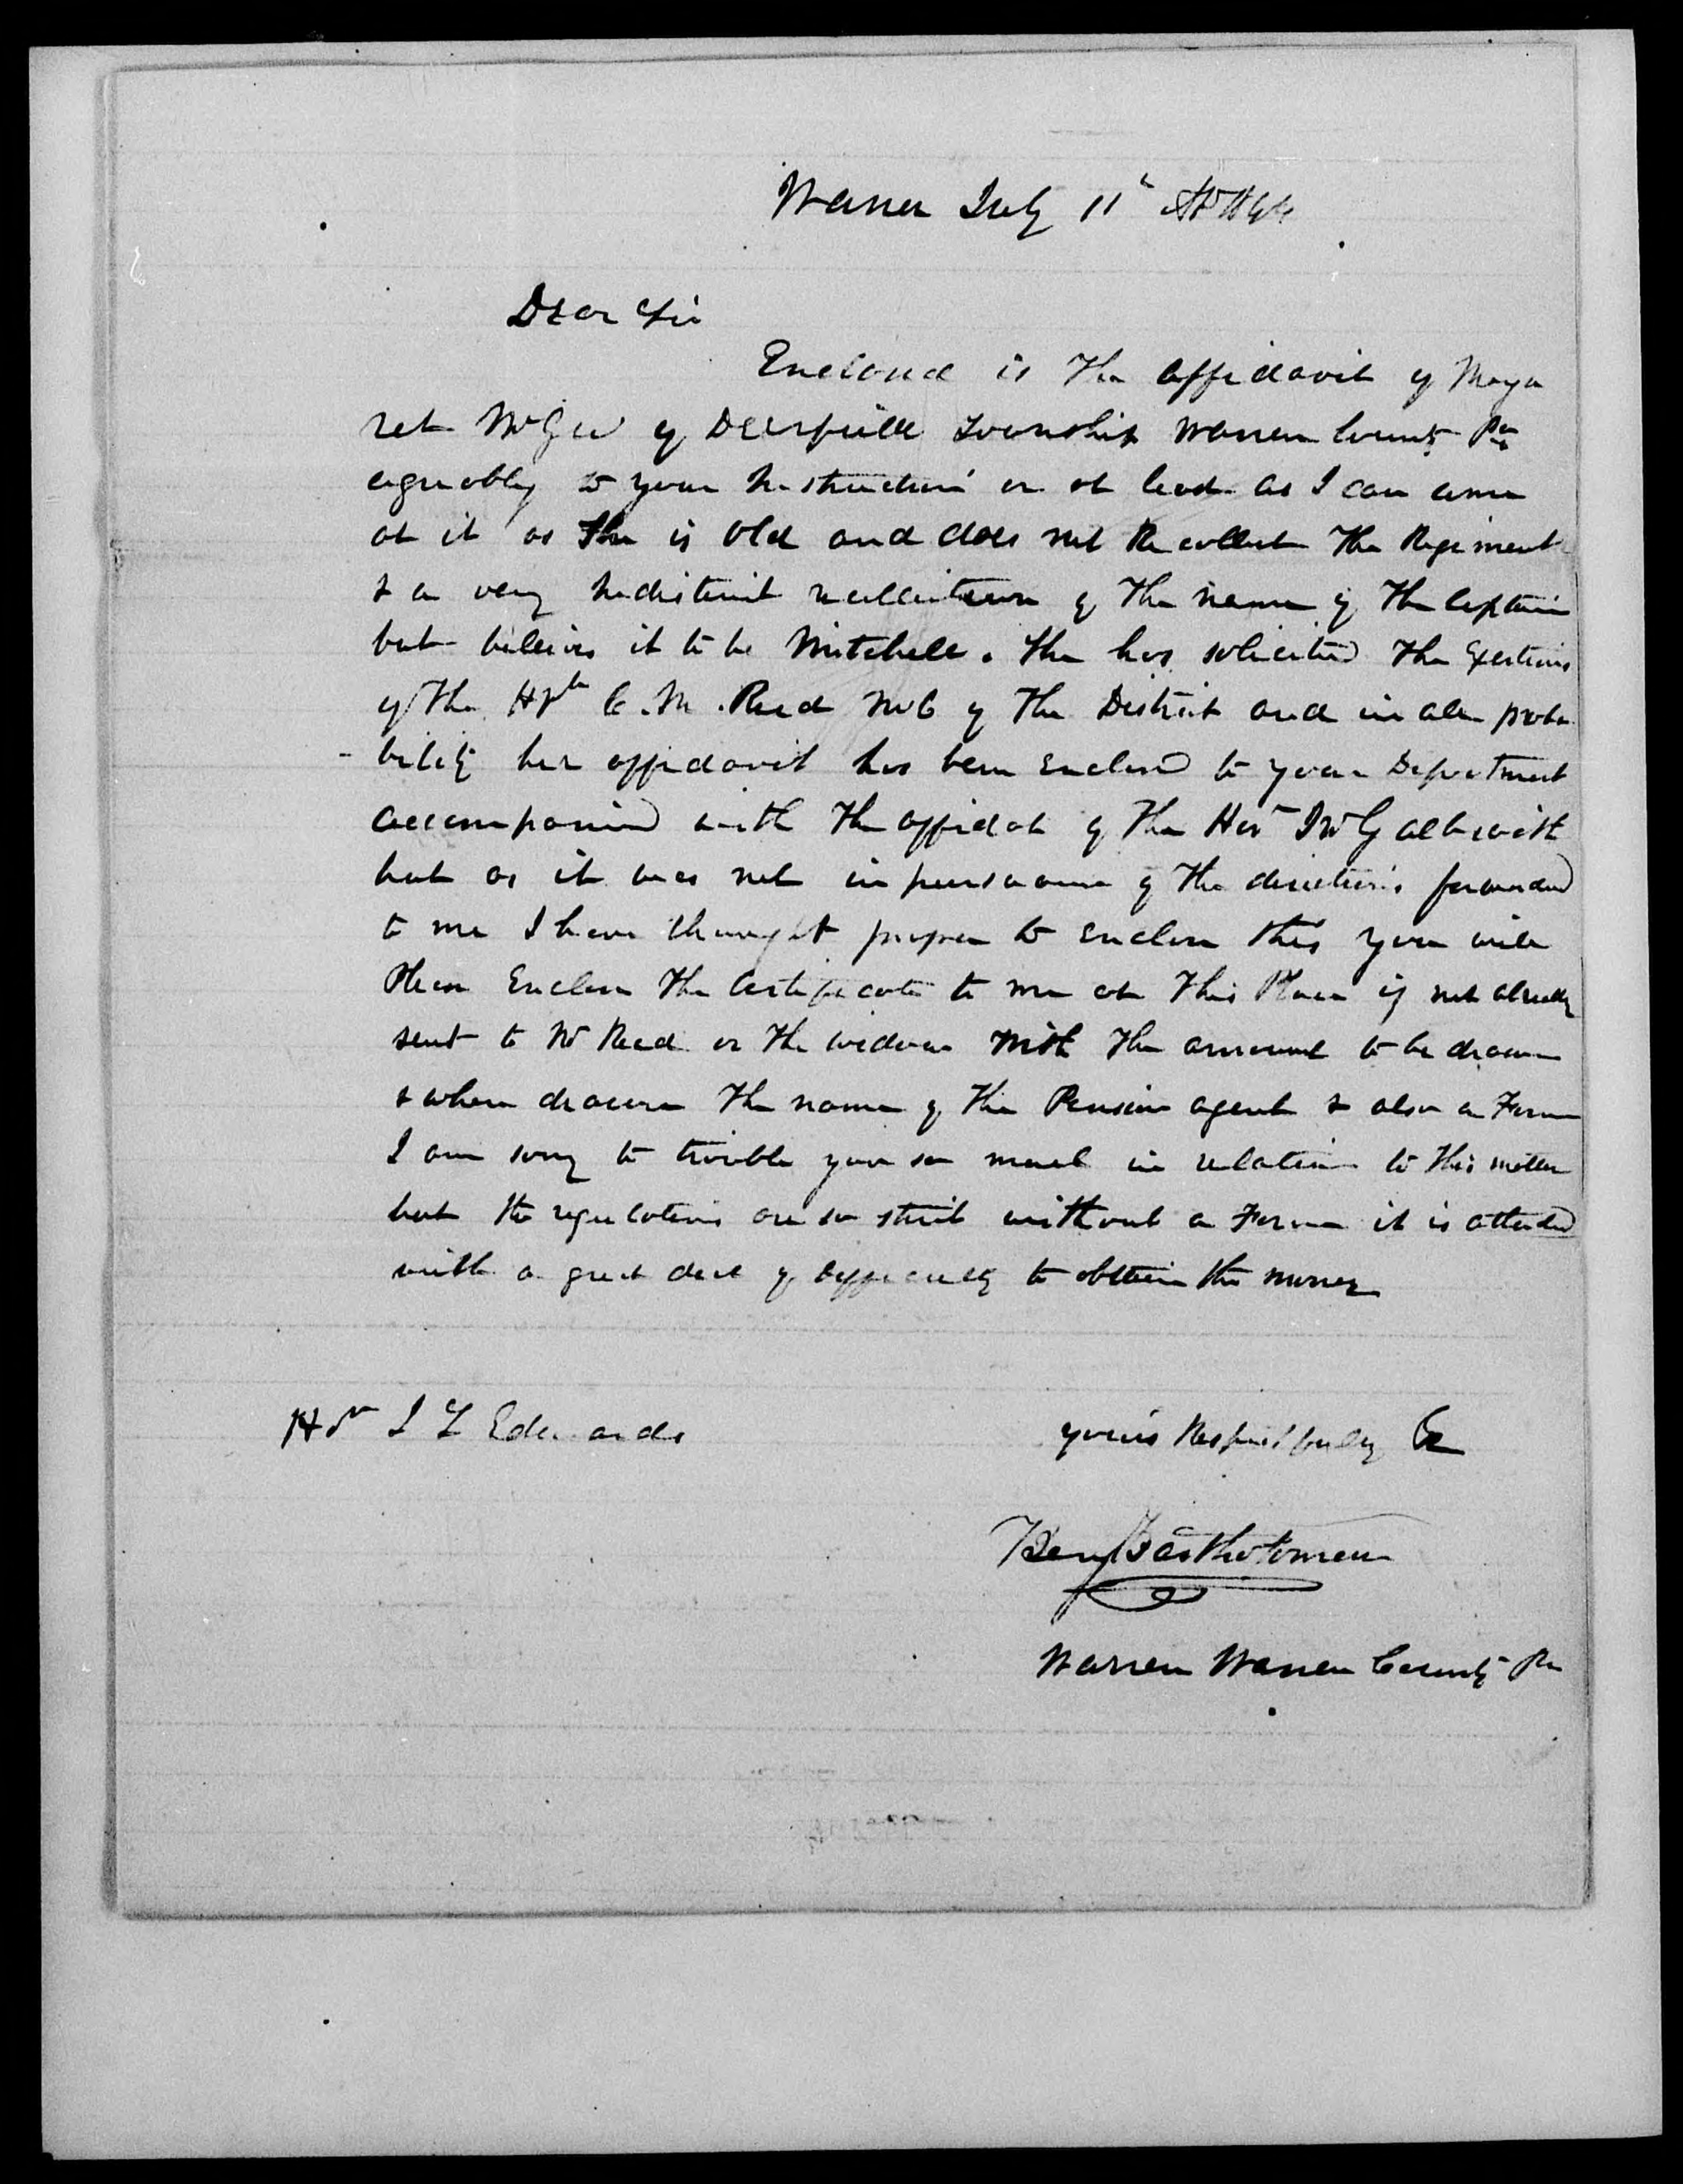(illegible)July 11 (illegible)
Dear Sir
Enclosed is the affidavit of Mary
set Gee of Deerfield Township Warren County
agreeable to your instruction or at least as I can come at it as he is old and does not recollect the Regiment
& a very he indistinct recollection of the name of the captain
but believes it to be Mitchell. The has whichin the exertions
of the 4th C. M. Reed not of the District and in all probability his affidavit has been enclosed to your Department accompanied with the affidate of the Hart J W  Galbraith
that as it was not in pursuance of the direction provided to me I have thought proper to enclose this you will
or (illegible) the certificate to me at this place of the (illegible)
sent to W. Reed or the widow with the amount to be drawn
when drawn
The name of the Pension agent & also a firm
I am sorry to trouble you so much in relation to this matter
but the regulations are so strict without a form it is attested
with a great deal of difficely to obtain the money
Hon J L Edwards
yours Respectfully be
Ben Bartholomen-
Warren Warren County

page: 49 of 77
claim: widow's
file: W 2954, for James Mc Gee, Delaware